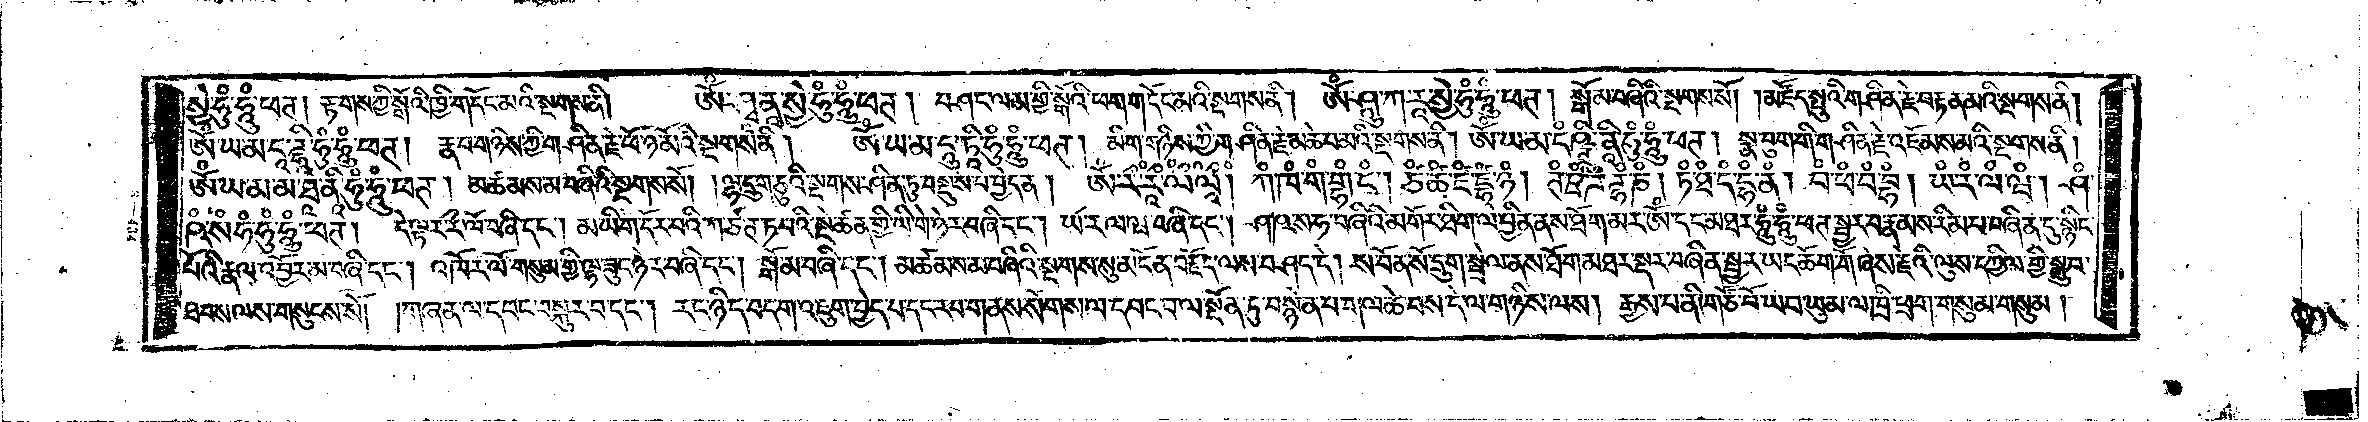སཡE་ཧུཾ་ཧཱུཾ་ཕཊ། རྟགས་ཀྱི་སྒོའི་ཁྱི་གདོང་མའི་སྔགས་ནི།  ཨོཾ་ཤྭ་ནཱ་སྱེ་ཧུཾ་ཧཱུཾ་ཕཊ། བཤང་ལམ་གྱི་སྒོའི་ཕག་གདོང་མའི་སྔགས་ནི།  ཨོཾ་ཤཱུ་ཀ་རཱ་སྱེ་ཧུཾ་ཧཱུཾ་ཕཊ། སྒོམ་བཞིའི་སྔགས་སོ། །མཛོད་སྤུའི་གཤིན་རྗེ་བརྟན་མའི་སྔགས་ནི།
ཨོཾ་ཡ་མདཱ་ཌྷཱི་ཧུཾ་ཧཱུཾ་ཕཊ། རྣ་བ་གཉིས་ཀྱི་གཤིན་རྗེ་ཕོ་ཉ་མོའི་སྔགས་ནི།  ཨོཾ་ཡ་མ་དཱུ་ཏཱི་ཧུཾ་ཧཱུཾ་ཕཊ། མིག་གཉིས་ཀྱི་གཤིན་རྗེ་མཆེ་བ་མའི་སྔགས་ནི།  ཨོཾ་ཡ་མ་དཾཥྚི་ནཱི་ཧུཾ་ཧཱུཾ་ཕཊ། སྣ་བུག་གི་གཤིན་རྗེ་འཇོམས་མའི་སྔགས་ནི།
ཨོཾ་ཡ་མ་མ་ཐཱ་ནཱི་ཧུཾ་ཧཱུཾ་ཕཊ། མཚམས་མ་བཞིའི་སྔགས་སོ། །ལྷ་དྲུག་ཅུའི་སྔགས་ཤིན་ཏུ་བསྡུས་པ་བྱེད་ན། ཨོཾ་རྀཾ་རཱྀཾ་ལྀཾ་ལཱྀཾ། ཀཾ་ཁཾ་གཾ་གྷཾ་ངཾ། ཙཾ་ཚཾ་ཛཾ་ཛྷཾ་ཉཾ། ཊཾ་ཊཿཨཾ་ཌཾ་ཌྷཾ་ཎཾ། ཏཾ་ཐཾ་དཾ་དྷཾ་ནཾ། བཾ་ཕཾ་བཾ་བྷཾ། ཡཾ་རཾ་ལཾ་ཝཾ། ཤཾ་
ཥཾ་སཾ་ཧཾ་ཧུཾ་ཧཱུཾ་ཕཊ། དེ་ལྟར་རྀ་ལོ་བཞི་དང་། མ་ཡིག་དོར་བའི་ཀཙ་ཊ་ཏ་པའི་སྡེ་ཚན་གྱི་ཡི་གེ་ཉེར་བཞི་དང་། ཡ་རལ་ཝ་བཞི་དང་། ཤ་ཥ་སཧ་བཞིའི་མགོར་ཐིག་ལ་བྱིན་ནས་ཐོག་མར་ཨོཾ་དང་མཐར་ཧཱུཾ་ཧཱུཾ་ཕཊ་སྦྱར་བ་རྣམས་རིམ་པ་བཞིན་དུ་སྙིང་
པོའི་རྣལ་འབྱོར་མ་བཞི་དང་། འཁོར་ལོ་གསུམ་གྱི་ལྷ་ཟུང་ཉེར་བཞི་དང་། སྒོམ་བཞི་དང་། མཚམས་མ་བཞིའི་སྔགས་སུ་མངོན་བརྗོད་ལས་བཤད་དེ། ས་བོན་སོ་དྲུག་སྦྲེལ་ནས་ཐོག་མཐར་སྡར་བཞིན་སྦྱར་ཡང་ཆོག་གོ་ཞེས་རྗེའི་ལུས་དཀྱིལ་གྱི་སྒྲུབ་
ཐབས་ལས་གསུངས་སོ། །གཞན་ལ་དབང་བསྐུར་བ་དང་། རང་ཉིད་བདག་འཇུག་བྱེད་པ་དང་རབ་གནས་སོགས་ལ་དབང་བ་ལ་སྔོན་དུ་བསྙེན་བ་གལ་ཆེ་བས་དེ་ལ་གཉིས་ལས། རྒྱས་བ་ནི་གཙོ་བོ་ཡབ་ཡུམ་ལ་ཁྲི་ཕྲག་གསུམ་གསུམ།